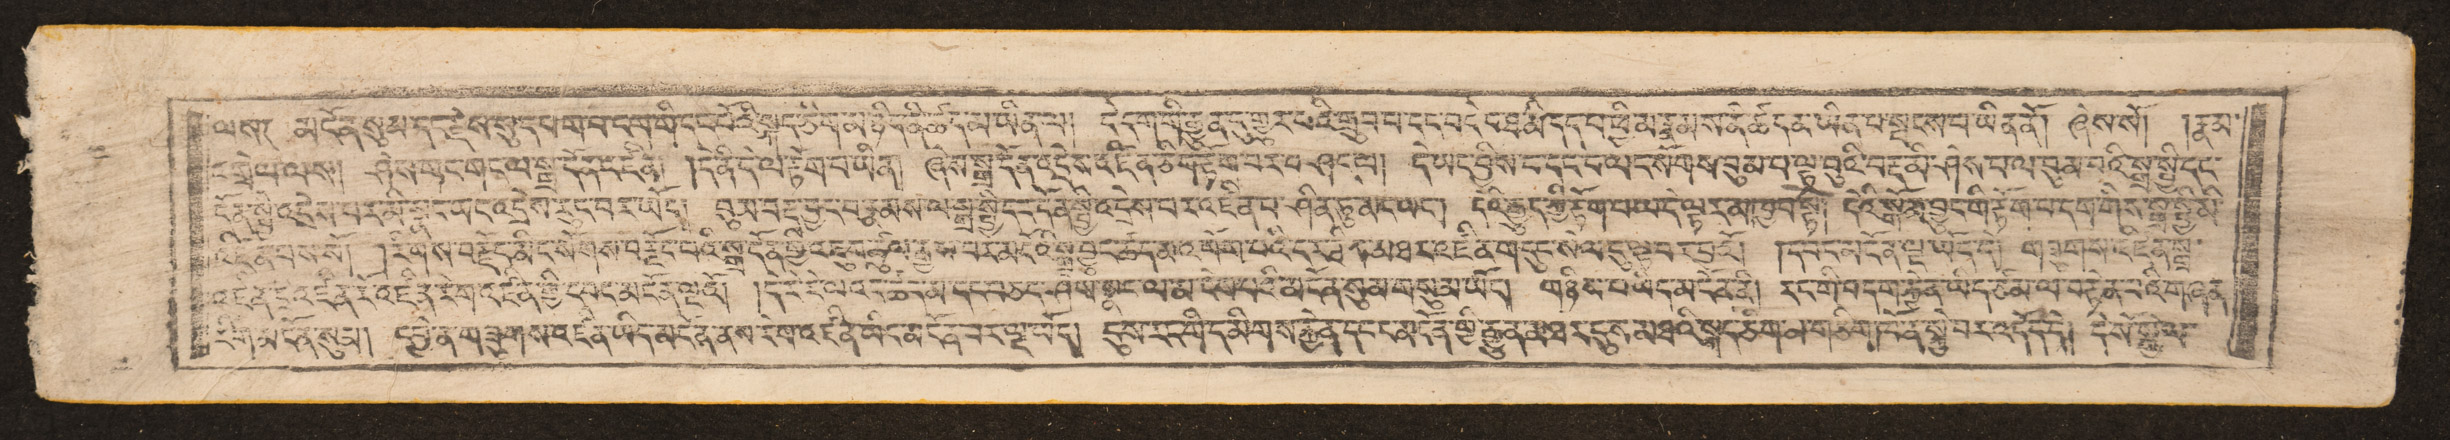ལས༑ མངོན་སུམ་དང་རྗེས་སུ་དཔག་པ་ངག་གི་དང་པོའི་སྐད་ཅིག་མ་ཉིད་ནི་ཚད་མ་ཡིན་ལ། དེ་དག་གི་རྒྱུན་དུ་གྱུར་པའི་གྲུབ་པ་དང་བདེ་བ་ཐ་མི་དད་པ་ཕྱི་མ་རྣམས་ནི་ཚད་མ་ཡིན་པ་སྤངས་པ་ཡིན་ནོ། ཞེས་སོ། །རྣམ་
འགྲེལ་ལས། ཤེས་གང་གང་ལ་སྒྲ་དོན་འཛིན། །དེ་ནི་དེ་ལ་རྟོག་པ་ཡིན། ཞེས་སྒྲ་དོན་འདྲེས་འཛིན་ཅིག་རྟོག་པར་བཤད་ལ། དེ་ཡང་བྱིས་པ་དང་བ་ལང་སོགས་བུམ་པ་ལྟ་བུའི་བརྡ་མི་ཤེས་པ་ལ་བུམ་པའི་སྒྲ་སྤྱི་དང་
དོན་སྤྱི་འདྲེས་པར་མི་སྣང་ཡང་འདྲེས་རུང་བར་ཡོད། བུམ་བརྡ་བྱང་བ་རྣམས་ལ་སྒྲ་སྤྱི་དང་དོན་སྤྱི་འདྲེས་པར་འཛིན་པ་ཤིན་ཏུ་མང་ཡང་། དེའི་རྒྱུད་ཀྱི་རྟོག་པ་ལ་དེ་ལྟར་མ་ཁྱབ་སྟེ། དེའི་སྒོམ་བྱུང་གི་རྟོག་པ་དག་གིས་སྒྲ་སྤྱི་མི་
འཛིན་པས་སོ། །རིགས་བརྗོད་མིང་སོགས་བརྗོད་པའི་སྒྲ་དོན་གྱི་འཇུག་ཚུལ་རྒྱས་པར་མངོའི་སྒྲ་བྱུང་ཚད་མ་འགོག་པའི་དར་ཊིཀ་མཐར་འཛིན་གདུང་སེལ་དུ་ལྟ་བར་བྱའོ། །དབང་མངོན་ལྔ་ཡོད་དེ། གཟུགས་འཛིན་སྒྲ་
འཛིན་དྲི་འཛིན་རོ་འཛིན་རེག་འཛིན་གྱི་དབང་མངོན་ལྔའོ། །དེ་རེ་རེ་ལའང་ཚད་མ་དང་བཅད་ཤེས་སྣང་ལ་མ་ངེས་པའི་མངོན་སུམ་གསུམ་ཡོད། གཉིས་པ་ཡིད་མངོན་ནི། རང་གི་བདག་རྐྱེན་ཡིད་ཙམ་ལ་བརྟེན་པའི་གཞན་
རིག་མངོན་སུམ། དབྱེ་ན་གཟུགས་འཛིན་ཡིད་མངོན་ནས་རེག་འཛིན་ཡིད་མངོན་པར་ལྔ་ཡོད། དུས་རང་གི་དམིགས་རྐྱེན་དབང་མངོན་གྱི་རྒྱུན་མཐར་དུས་མཐའི་སྐད་ཅིག་མ་གཅིག་ཁོ་ན་སྐྱེ་བར་འདོད་དེ། དེ་སོ་སྐྱེ་ལ་